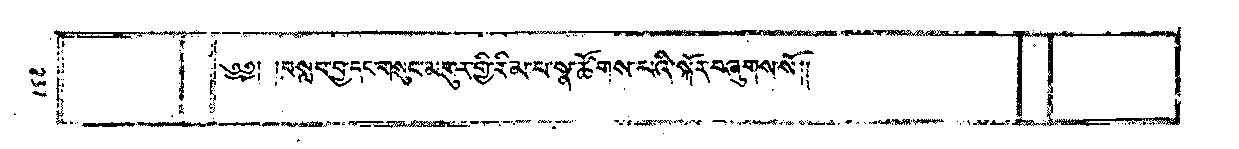༄༅། ། བསླབ་བྱ་དང་གསུང་མགུར་གྱི་རིམ་པ་སྣ་ཚོགས་པའི་སྐོར་བཞུགས་སོ། །